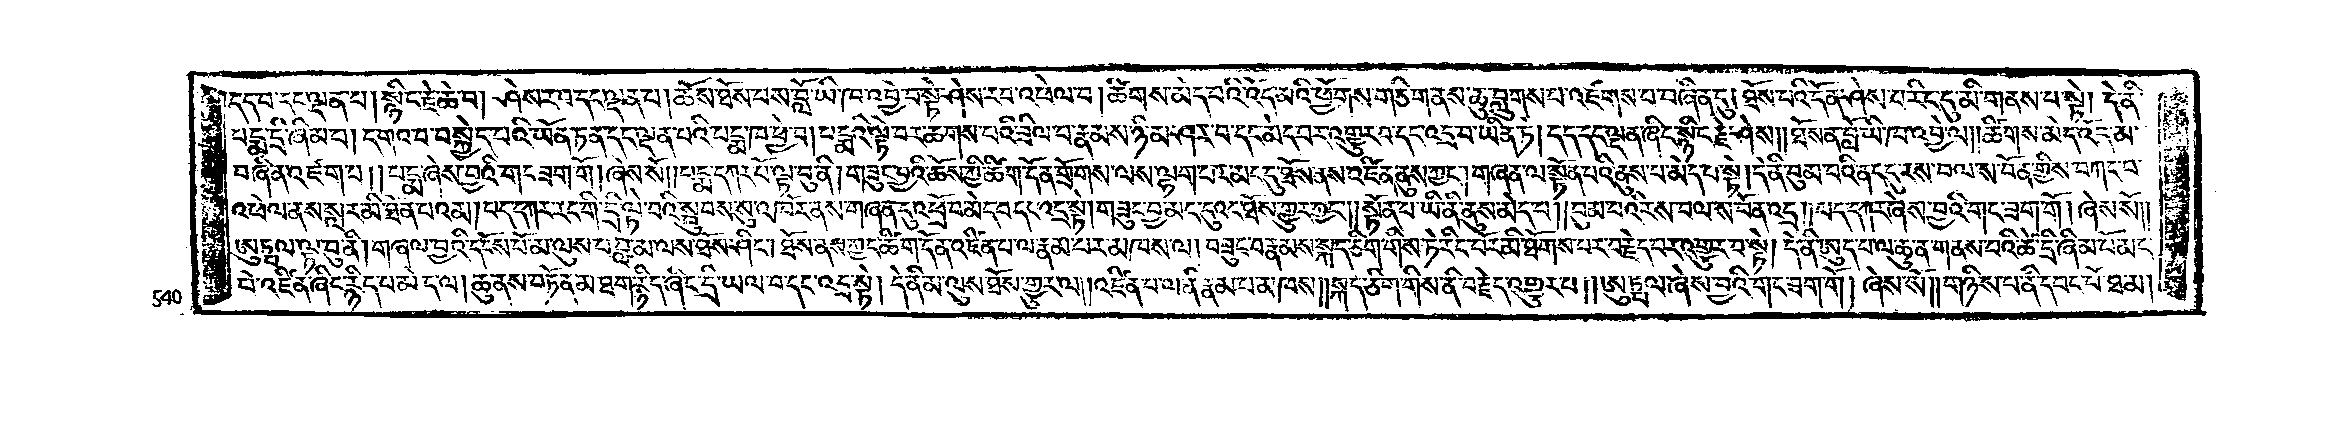དད་པ་དང་ལྡན་པ། སྙིང་རྗེ་ཆེ་བ། ཤེས་རབ་དང་ལྡན་པ། ཆོས་ཐོས་པས་བློ་ཡི་ཁ་འབྱེ་བ་སྟེ་ཤེས་རབ་འཕེལ་བ། ཚིགས་མེད་པའི་འོད་མའི་ཕྱོགས་གཅིག་ནས་ཆུ་བླུགས་པ་འཛགས་པ་བཞིན་དུ། ཐོས་པའི་དོན་ཤེས་པ་རིང་དུ་མི་གནས་པ་སྟེ། དེ་ནི་
པདམ་དྲི་ཞིམ་པ། དགའ་བ་བསྐྱེད་པའི་ཡོན་ཏན་དང་ལྡན་པའི་པདམ་ཁ་ཕྱེ་བ། པདམའི་ལྟེ་བར་ཆགས་པའི་ཟིལ་པ་རྣམས་ཉི་མ་ཤར་བ་དང་མེད་པར་འགྱུར་བ་དང་འདྲ་བ་ཡིན་ཏེ། དད་དང་ལྡན་ཞིང་སྙིང་རྗེ་ཤེས། །ཐོས་ན་བློ་ཡི་ཁ་འབྱེ་ལ། །ཚིགས་མེད་འོད་མ་
བཞིན་འཛག་པ། །པདམ་ཞེས་བྱའི་གང་ཟག་གོ །ཞེས་སོ། །པདམ་དཀར་པོ་ལྟ་བུ་ནི། གཟུང་བྱའི་ཆོས་ཀྱི་ཚིག་དོན་གྲོགས་ལས་ལྷག་པར་མང་དུ་ཐོས་ནས་འཛིན་ནུས་ཀྱང་། གཞན་ལ་སྟོན་པའི་ནུས་པ་མེད་པ་སྟེ། དེ་ནི་བུམ་པའི་ནང་དུ་རས་བལ་ས་བོན་གྱིས་བཀང་བ་
འཕེལ་ནས་སླར་མི་ཐོན་པའམ། པད་དཀར་རང་གི་དྲི་ལྟེ་བའི་སྦུབས་སུ་འཁོར་ནས་གཞན་དུ་འཕྲོ་བ་མེད་པ་དང་འདྲ་སྟེ། གཟུང་བྱ་མང་དུའང་ཐོས་གྱུར་ཀྱང་། །སྟོན་པ་ཡི་ནི་ནུས་མེད་པ། །བུམ་པའི་རས་བལ་ས་བོན་འདྲ། །པད་དཀར་ཞེས་བྱའི་གང་ཟག་གོ །ཞེས་སོ། །
ཨུཏྤལ་ལྟ་བུ་ནི། གཞལ་བྱའི་དངོས་པོ་མ་ལུས་པ་བླ་མ་ལས་ཐོས་ཤིང་། ཐོས་ནས་ཀྱང་ཚིག་དོན་འཛིན་པ་ལ་རྣམ་པར་མཁས་ལ། བཟུང་བ་རྣམས་སྐད་ཅིག་གིས་ཏེ་རིང་པོར་མི་ཐོགས་པར་བརྗེད་པར་འགྱུར་བ་སྟེ། དེ་ནི་ཨུད་པ་ལ་ཆུ་ན་གནས་པའི་ཚེ་དྲི་ཞིམ་པོ་མང་
པོ་འཛིན་ཞིང་རྙིད་པ་མེད་ལ། ཆུ་ནས་བཏོན་མ་ཐག་རྙིད་ཞིང་དྲི་ཡལ་བ་དང་འདྲ་སྟེ། དེ་ནི་མ་ལུས་ཐོས་གྱུར་ལ། །འཛིན་པ་ལ་ནི་རྣམ་པ་མཁས། །སྐད་ཅིག་གིས་ནི་བརྗེད་འགྱུར་པ། །ཨུཏྤལ་ཞེས་བྱའི་གང་ཟག་གོ །ཞེས་སོ། །གཉིས་པ་ནི་དབང་པོ་ཐ་མ།